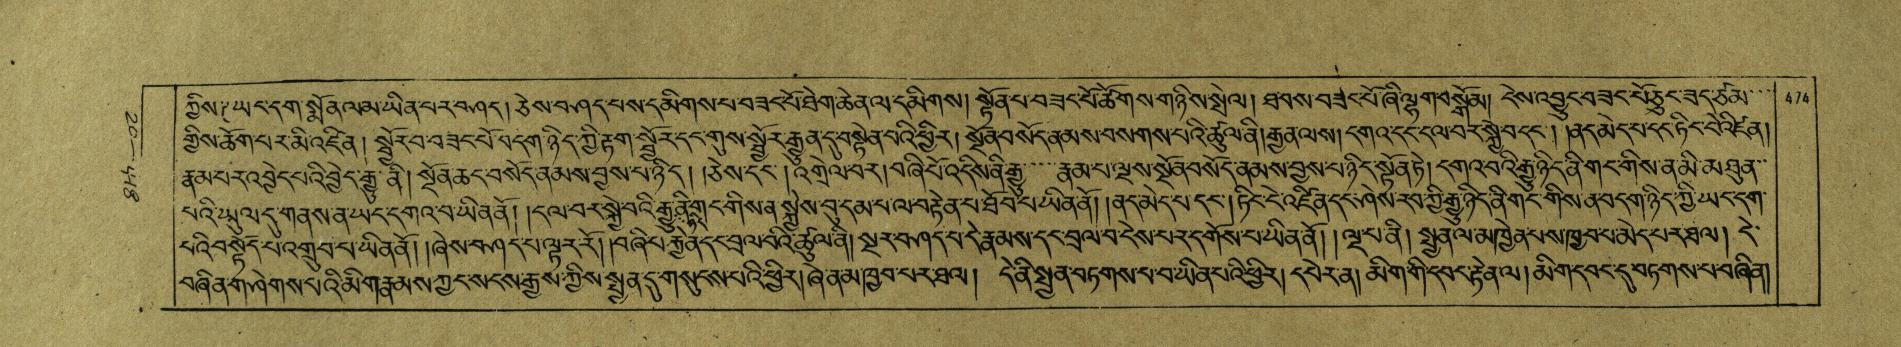ཀྱིས༑ ཡང་དག་སྨོན་ལམ་ཡིན་པར་བཤད། ཅེས་བཤད་པས་དམིགས་པ་བཟང་པོ་ཐེག་ཆེན་ལ་དམིགས། སྟོན་པ་བཟང་པོ་ཚོགས་གཉིས་སྤེལ། ཐབས་བཟང་པོ་ཞི་ལྷག་བསྒོམ། ངེས་འབྱུང་བཟང་པོ་ཅུང་ཟད་ཙམ་
གྱིས་ཆོག་པར་མི་འཛིན། སྦྱོར་བ་བཟང་པོ་བདག་ཉིད་ཀྱི་རྟག་སྦྱོར་དང་གུས་སྦྱོར་རྒྱུན་དུ་བསྟེན་པའི་ཕྱིར། སྔོན་བསོད་རྣམས་བསགས་པའི་ཚུལ་ནི། རྒྱན་ལས། དགའ་དང་དལ་བར་སྐྱེ་བ་དང་། ནད་མེད་པ་དང་ཏིང་ངེ་འཛིན།
རྣམ་པར་འབྱེད་པའི་བྱེད་རྒྱུ་ནི། སྔོན་ཆད་བསྡོས་ནམ་བྱས་པ་ཉིད། །ཅེས་དང་། འགྲེལ་བར། བཞི་པོ་འདིས་ནི་རྒྱུ་རྣམ་པ་ལྔས་སྔོན་བསོད་ནམས་བྱས་པ་ཉིད་སྟོན་ཏེ། དགའ་བའི་རྒྱུ་ཉིད་ནི་གང་གིས་ན་མི་མཐུན་
པའི་ཡུལ་དུ་གནས་ན་ཡང་དགའ་བ་ཡིན་ནོ། །དལ་བར་སྐྱེ་བའི་རྒྱུ་ཉིད་ནི་གང་གིས་ན་སྐྱེས་བུ་དམ་པ་ལ་བརྟེན་པ་ཐོབ་པ་ཡིན་ནོ། །ནད་མེད་པ་དང་། ཏིང་ངེ་འཛིན་དང་ཤེས་རབ་ཀྱི་རྒྱུ་ཉིད་ནི་གང་གིས་ན་བདག་ཉིད་ཀྱི་ཡང་དག་
པའི་བསྟོད་པ་འགྲུབ་པ་ཡིན་ནོ། །ཞེས་བཤད་པ་ལྟར་རོ། །བཞི་པ་རྐྱེན་དང་བྲལ་བའི་ཚུལ་ནི། སྔར་བཤད་པ་དེ་རྣམས་དང་བྲལ་བ་ངེས་པར་དགོས་པ་ཡིན་ནོ། །ལྔ་པ་ནི། སྤྱན་ལ་མཁྱེན་པས་ཁྱབ་པ་མེད་པར་ཐལ། དེ་
བཞིན་གཤེགས་པའི་མིག་རྣམས་ཀྱང་སངས་རྒྱས་ཀྱིས་སྤྱན་དུ་གསུངས་པའི་ཕྱིར། ཞེ་ན་མ་ཁྱབ་པར་ཐལ། དེ་ནི་སྤྱན་བཏགས་པ་བ་ཡིན་པའི་ཕྱིར། དཔེར་ན། མིག་གི་དབང་རྟེན་ལ། མིག་དབང་དུ་བཏགས་པ་བཞིན།